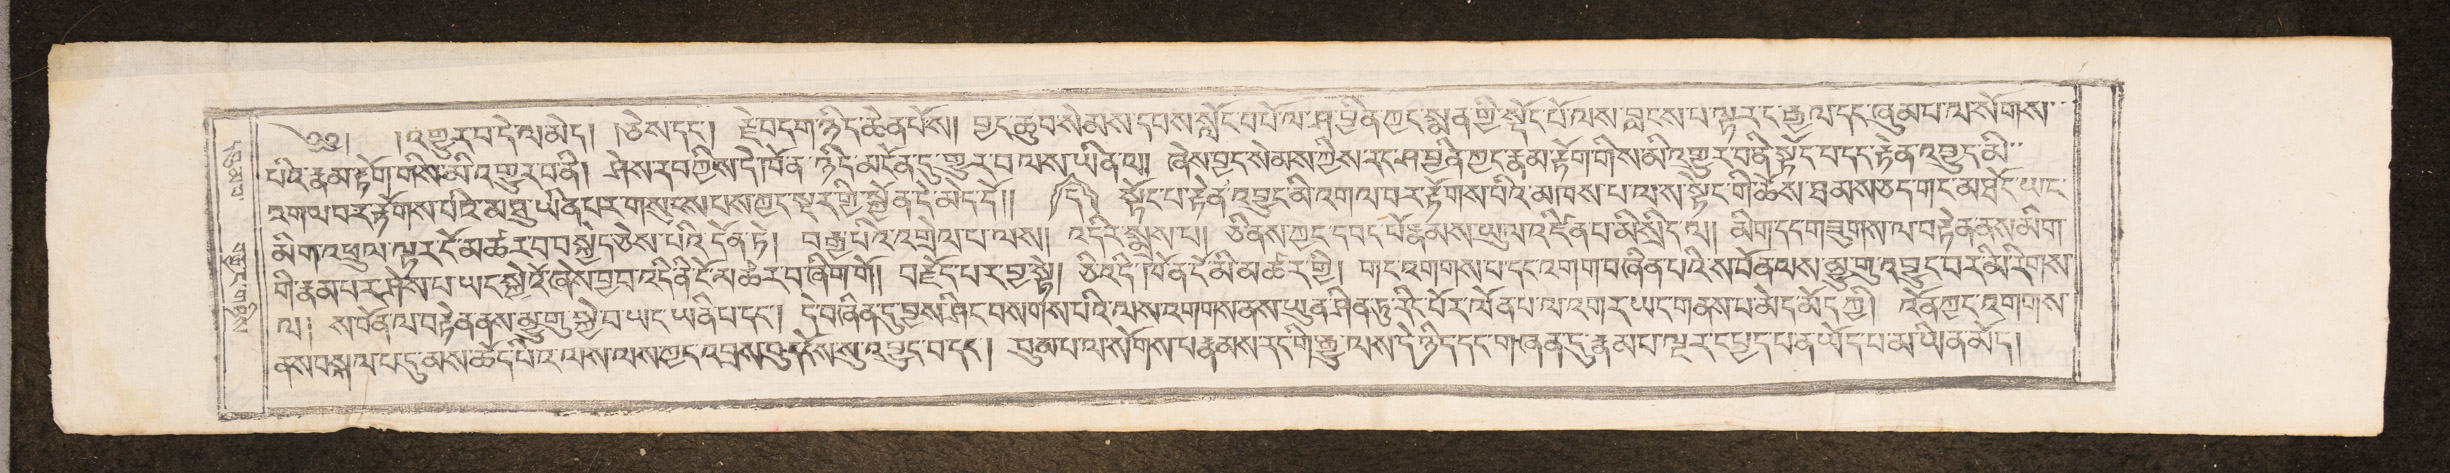༄༅། །འགྱུར་བ་དེ་ལ་མེད། །ཅེས་དང་། རྗེ་བདག་ཉིད་ཆེན་པོས། བྱང་ཆུབ་སེམས་པས་བློང་པ་པོ་ལ་ཤ་བྱིན་ཀྱང་སྨན་གྱི་སྟོང་པོ་ལས་བླངས་པ་ལྟར་ང་རྒྱལ་དང་ཞུམ་པ་ལ་སོགས་
པའི་རྣམ་རྟོག་གིས་མི་འགྱུར་བ་ནི། ཤེས་རབ་ཀྱིས་དེ་ཁོ་ན་ཉིད་མངོན་དུ་གྱུར་བ་ལས་ཡིན་ལ། ཞེས་བྱང་སེམས་ཀྱིས་རང་ཤ་བྱིན་ཀྱང་རྣམ་རྟོག་གིས་མི་འགྱུར་བ་ནི་སྟོང་པ་དང་རྟེན་འབྱུང་མི་
འགལ་བར་རྟོགས་པའི་མཐུ་ཡིན་པར་གསུངས་པས་ཀྱང་སྔར་གྱི་སྐྱོན་དེ་མེད་དོ།། ༼༽ད༼༽ སྟོང་པ་རྟེན་འབྱུང་མི་འགལ་བར་རྟོགས་པའི་མཁས་པ་ལས་སྟེང་གི་ཆོས་ཐམས་ཅད་གང་མཐོང་ཡང་
མིག་འཕྲུལ་ལྟར་ངོ་མཚར་བ་བསྐྱེད་ཅེས་པའི་དོན་ཏེ། བརྒྱད་པའི་འགྲེལ་པ་ལས། འདིར་སྨྲས་པ། ཅི་ནས་ཀྱང་དབང་པོ་རྣམས་ཡུལ་འཛིན་པ་མི་སྲིད་ལ། མིག་དང་གཟུགས་ལ་བརྟེན་ནས་མིག་
གི་རྣམས་པར་ཤེས་པ་ཡང་སྐྱེའོ་ཞེས་བྱ་བ་འདི་ནི་ངོ་མཚར་བ་ཞིག་གོ། བརྗོད་པར་བྱ་སྟེ། ཅི་འདི་ཁོ་ན་ངོ་མི་མཚར་གྱི། གང་འགགས་པ་དང་འགག་བཞིན་པའི་ས་བོན་ལས་མྱུ་གུ་འབྱུང་བ་མི་རིགས་
ལ༑ ས་བོན་ལ་བརྟེན་ནས་མྱུ་གུ་སྐྱེ་བ་ཡང་ཡིན་པ་དང་། དེ་བཞིན་དུ་བྱས་ཤིང་བསགས་པའི་ལས་འགགས་ནས་ཡུན་ཤིན་ཏུ་རིང་པོར་ལོན་པ་ལ་འགར་ཡང་གནས་པ་མེད་མདོ་ཀྱི། འོན་ཀྱང་འགགས་
ནས་བསྐལ་པ་དུ་མས་ཆོད་པའི་ལས་ཀྱང་འབྲས་བུ་དངོས་སུ་འབྱུང་བ་དང་། བུམ་པ་ལ་སོགས་པ་རྣམས་རང་གི་རྒྱུ་ལས་དེ་ཉིད་དང་གཞན་དུ་རྣམ་པ་ལྔར་དཔྱད་པ་ན་ཡོད་པ་མ་ཡིན་མོད།